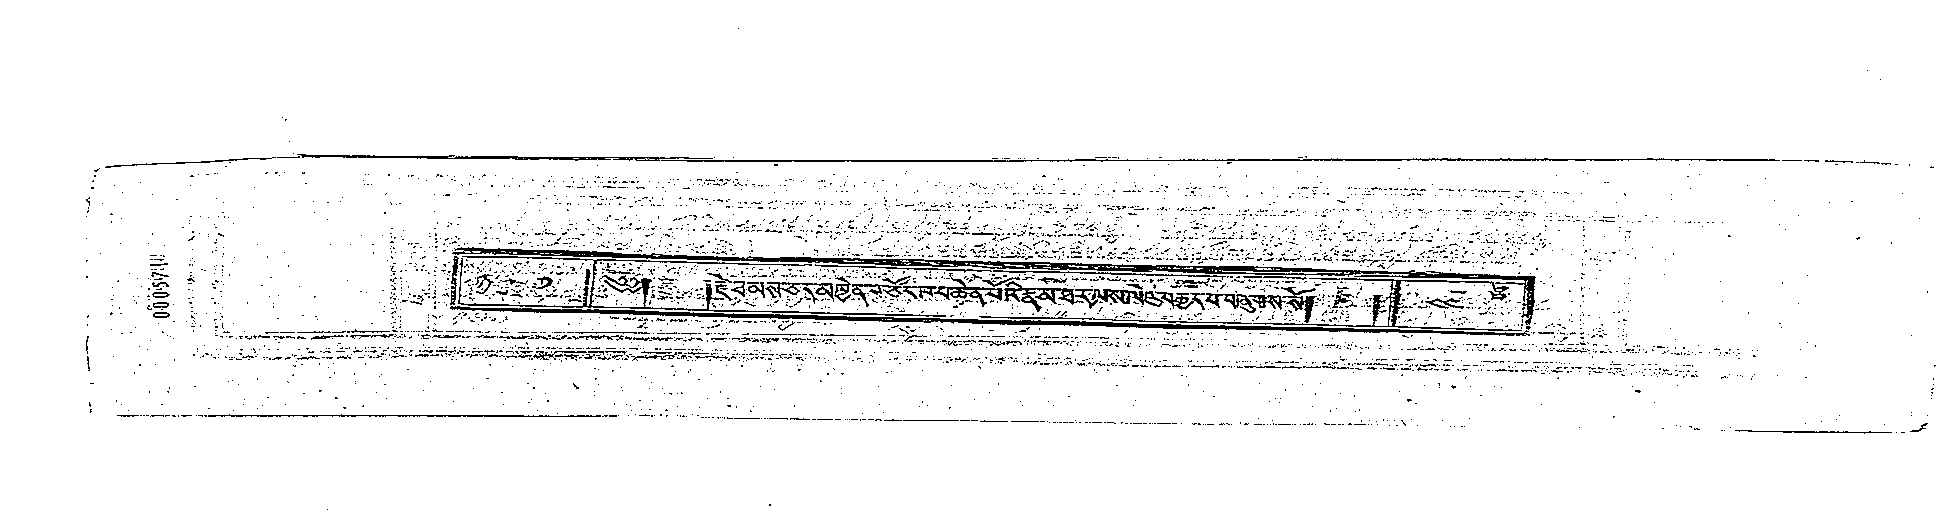ཁ ༨?
༄༅། །རྗེ་ཐམས་ཅད་མཁྱེན་པ་ཙོང་ཁ་པ་ཆེན་པོའི་རྣམ་ཐར་ལས་ལེའུ་བརྒྱད་པ་བཞུགས་སོ། །